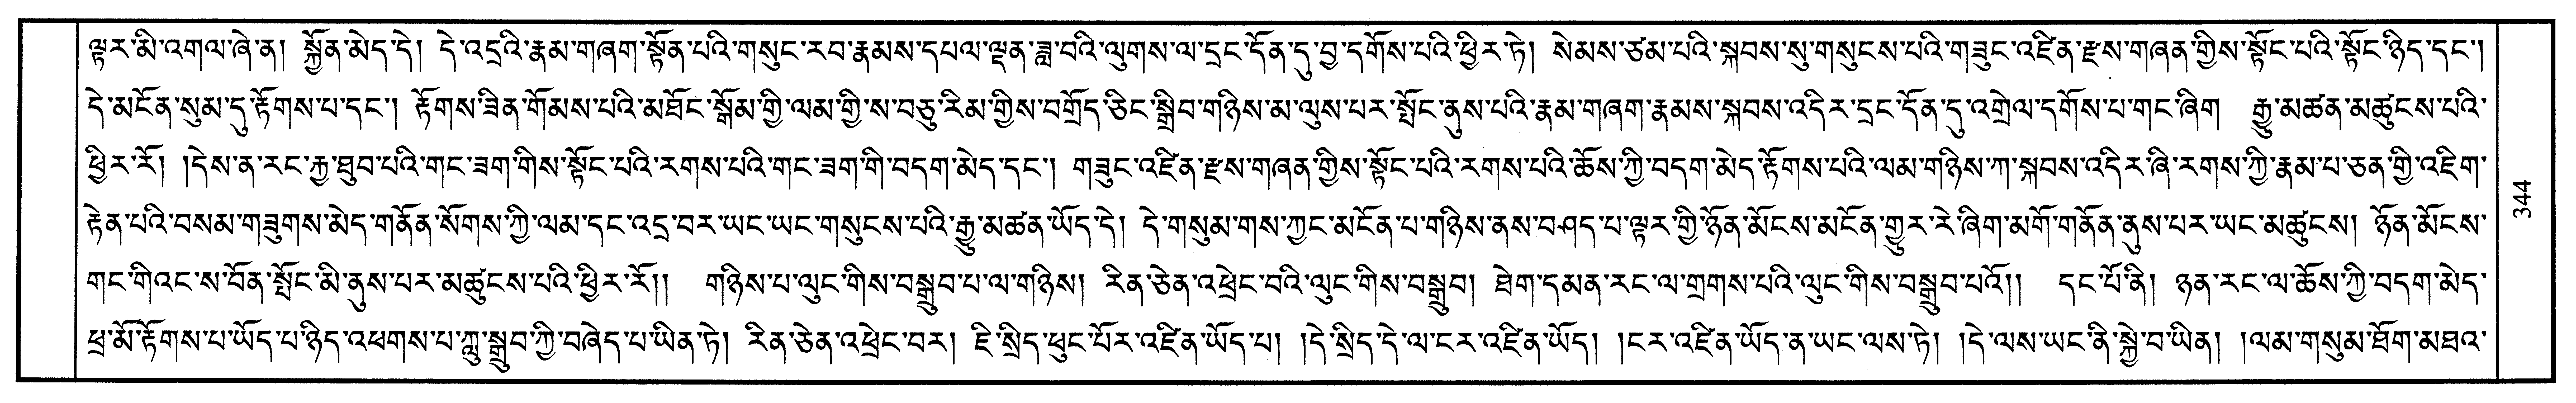ལྟར་མི་འགལ་ཞེ་ན། སྐྱོན་མེད་དེ། དེ་འདྲའི་རྣམ་གཞག་སྟོན་པའི་གསུང་རབ་རྣམས་དཔལ་ལྡན་ཟླ་བའི་ལུགས་ལ་དྲང་དོན་དུ་བྱ་དགོས་པའི་ཕྱིར་ཏེ། སེམས་ཙམ་པའི་སྐབས་སུ་གསུངས་པའི་གཟུང་འཛིན་རྫས་གཞན་གྱིས་སྟོང་པའི་སྟོང་ཉིད་དང་།
དེ་མངོན་སུམ་དུ་རྟོགས་པ་དང་། རྟོགས་ཟིན་གོམས་པའི་མཐོང་སྒོམ་གྱི་ལམ་གྱི་ས་བཅུ་རིམ་གྱིས་བགྲོད་ཅིང་སྒྲིབ་གཉིས་མ་ལུས་པར་སྤོང་ནུས་པའི་རྣམ་གཞག་རྣམས་སྐབས་འདིར་དྲང་དོན་དུ་འགྲེལ་དགོས་པ་གང་ཞིག །རྒྱུ་མཚན་མཚུངས་པའི་
ཕྱིར་རོ། །དེས་ན་རང་རྐྱ་ཐུབ་པའི་གང་ཟག་གིས་སྟོང་པའི་རགས་པའི་གང་ཟག་གི་བདག་མེད་དང་། གཟུང་འཛིན་རྫས་གཞན་གྱིས་སྟོང་པའི་རགས་པའི་ཆོས་ཀྱི་བདག་མེད་རྟོགས་པའི་ལམ་གཉིས་ཀ་སྐབས་འདིར་ཞི་རགས་ཀྱི་རྣམ་པ་ཅན་གྱི་འཇིག་
རྟེན་པའི་བསམ་གཟུགས་མེད་གནོན་སོགས་ཀྱི་ལམ་དང་འདྲ་བར་ཡང་ཡང་གསུངས་པའི་རྒྱུ་མཚན་ཡོད་དེ། དེ་གསུམ་གས་ཀྱང་མངོན་པ་གཉིས་ནས་བཤད་པ་ལྟར་གྱི་ཉོན་མོངས་མངོན་གྱུར་རེ་ཞིག་མགོ་གནོན་ནུས་པར་ཡང་མཚུངས། ཉོན་མོངས་
གང་གིའང་ས་བོན་སྤོང་མི་ནུས་པར་མཚུངས་པའི་ཕྱིར་རོ།། གཉིས་པ་ལུང་གིས་བསྒྲུབ་པ་ལ་གཉིས། རིན་ཅེན་འཕྲེང་བའི་ལུང་གིས་བསྒྲུབ། ཐེག་དམན་རང་ལ་གྲགས་པའི་ལུང་གིས་བསྒྲུབ་པའོ།། དང་པོ་ནི། ཉན་རང་ལ་ཆོས་ཀྱི་བདག་མེད་
ཕྲ་མོ་རྟོགས་པ་ཡོད་པ་ཉིད་འཕགས་པ་ཀླུ་སྒྲུབ་ཀྱི་བཞེད་པ་ཡིན་ཏེ། རིན་ཅེན་འཕྲེང་བར། ཇི་སྲིད་ཕུང་པོར་འཛིན་ཡོད་པ། །དེ་སྲིད་དེ་ལ་ངར་འཛིན་ཡོད། །ངར་འཛིན་ཡོད་ན་ཡང་ལས་ཏེ། །དེ་ལས་ཡང་ནི་སྐྱེ་བ་ཡིན། །ལམ་གསུམ་ཐོག་མཐའ་